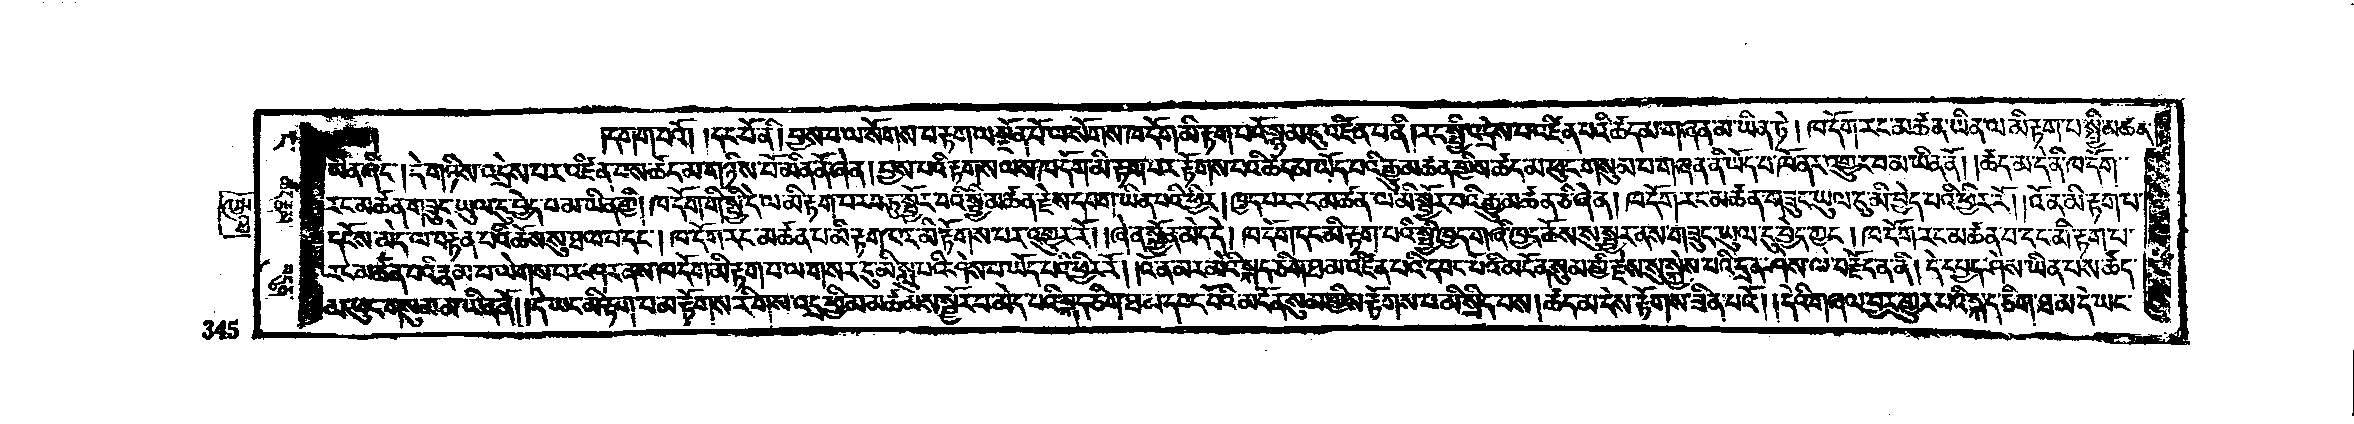༄༅། །དགག་པའོ། །དང་པོ་ནི། བྱས་པ་ལ་སོགས་པ་རྟག་ལ་སྔོན་པོ་ལ་སོགས་ཁ་དོག་མི་རྟག་པའོ་སྙམ་དུ་འཛིན་པ་ནི། རང་སྤྱི་འདྲེས་པ་འཛིན་པའི་ཚད་མ་གཞན་མ་ཡིན་ཏེ། ཁ་དོག་རང་མཚན་ཡིན་ལ་མི་རྟག་པ་སྤྱི་མཚན་
ཡིན་ཞིང་། དེ་གཉིས་འདྲེས་པར་འཛིན་པས་ཚད་མ་གཉིས་པོ་མིན་ནོ་ཞེ་ན། བྱས་པའི་རྟགས་ལས་ཁ་དོག་མི་རྟག་པར་རྟོགས་པའི་ཚད་མ་ཡོད་པའི་རྒྱུ་མཚན་གྱིས་ཚད་མ་ཕུང་གསུམ་པ་གཞན་ནི་ཡོད་པ་ཁོ་ནར་འགྱུར་བ་མ་ཡིན་ནོ། །ཚད་མ་དེ་ནི་ཁ་དོག་
རང་མཚན་གཟུང་ཡུལ་དུ་བྱེད་པ་མ་ཡིན་གྱི། ཁ་དོག་གྱི་སྤྱི་དེ་ལ་མི་རྟག་པ་རབ་ཏུ་སྦྱོར་བའི་སྥྱི་མཚན་རྗེས་དཔག་ཡིན་པའི་ཕྱིར། ཁྱད་པར་རང་མཚན་ལ་མི་སྦྱོར་བའི་རྒྱུ་མཚན་ཅི་ཞེ་ན། ཁ་དོག་རང་མཚན་གཟུང་ཡུལ་དུ་མི་བྱེད་པའི་ཕྱིར་རོ། །འོ་ན་མི་རྟག་
དངོས་མེད་ལ་བརྟེན་པའི་ཆོས་སུ་ཐལ་བ་དང་། ཁ་དོག་རང་ཚན་པ་མི་རྟག་པར་མི་རྟོགས་པར་འགྱུར་རོ། །ཞེ་ན་སྐྱོན་མེད་དེ། ཁ་དོག་དང་མི་རྟག་པའི་སྤྱི་ཁྱད་གཞི་ཁྱད་ཆོས་སུ་སྦྱར་ནས་གཟུང་ཡུལ་དུ་བྱེད་ཀྱང་། ཁ་དོག་རང་མཚན་པ་དང་མི་རྟག་པ་
རང་མཚན་བའི་རྣམ་པ་ལེགས་པར་ཤར་ནས་ཁ་དོག་མི་རྟག་པ་ལ་གསར་དུ་མི་སླུ་བའི་ཤེས་པ་ཡོད་པའི་ཕྱིར་རོ། །འོ་ན་མར་མེའི་སྐད་ཅིག་ཐ་མ་འཛིན་པའི་དབང་པོའི་མངོན་སུམ་གྱི་རྗེས་སུ་སྐྱེས་པའི་དྲན་ཤེས་ལ་བརྗོད་ན་ནི། དེ་དཔྱད་ཤེས་ཡིན་པས་ཚད་
མ་ཕུང་གསུམ་མ་ཡིན་ནོ། །དེ་ཡང་མི་རྟག་པ་མ་རྟོགས་རིགས་འདྲ་ཕྱི་མ་མཚམས་སྦྱོར་བ་མེད་པའི་སྐད་ཅིག་ཐ་མ་དབང་པོའི་མངོན་སུམ་གྱིས་རྟོགས་པ་མི་སྲིད་པས། ཚད་མ་དེས་རྟོགས་ཟིན་པའོ། །དེའི་གཞལ་བྱར་གྱུར་བའི་སྐད་ཅིག་ཐ་མ་དེ་ཡང་